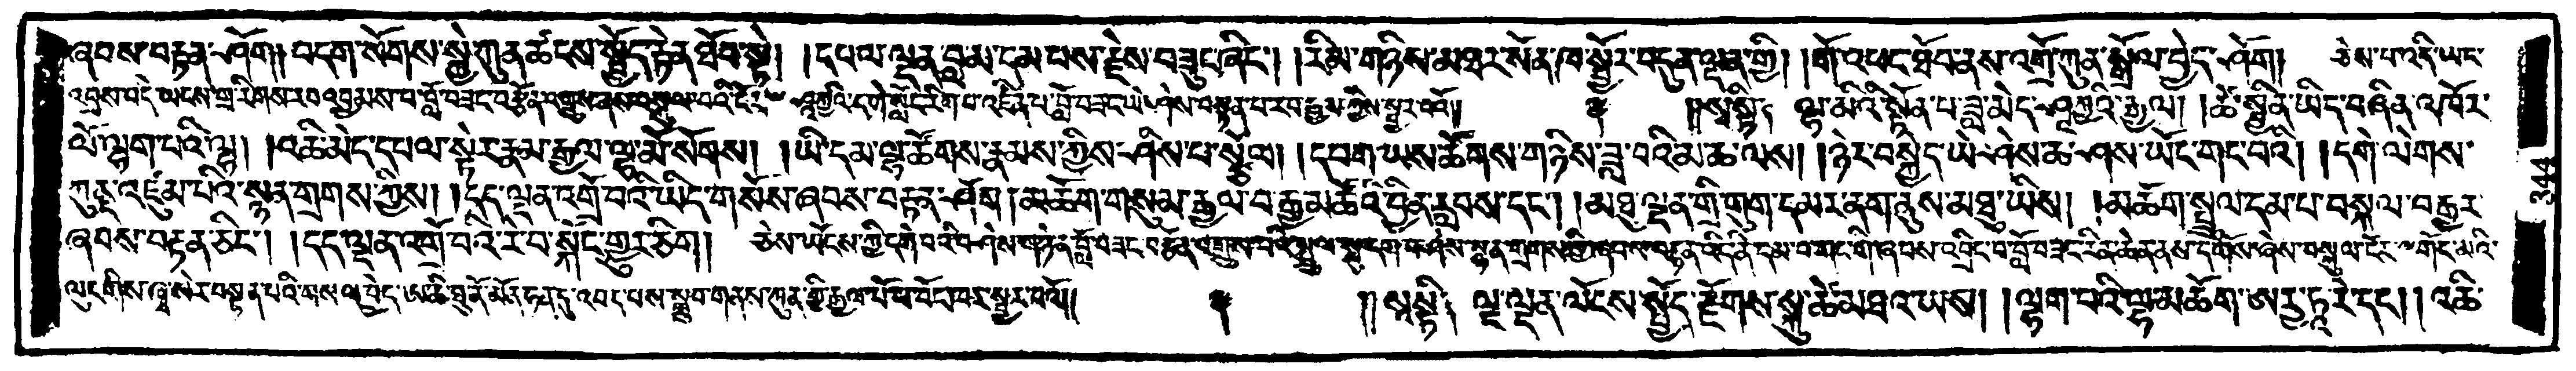ཞབས་བརྟན་ཤོག །བདག་སོགས་སྐྱེ་ཀུན་ཚངས་སྤྱོད་རྟེན་ཐོབ་སྟེ། །དཔལ་ལྡན་བླ་མ་དམ་པས་རྗེས་བཟུང་ཞིང་། །རིམ་གཉིས་མཐར་སོན་ཁ་སྦྱོར་བདུན་ལྡན་གྱི། །གོ་འཕང་ཐོབ་ནས་འགྲོ་ཀུན་སྒྲོལ་བྱེད་ཤོག །ཅེས་པ་འདི་ཡང་
འབྲས་བདེ་ཡངས་གྲྭ་རིགས་རབ་འབྱམས་པ་བློ་བཟང་བརྩོན་འགྲུས་ནས་བསྐུལ་བའི་ངོར ༧ཤཱཀྱའི་དགེ་སློང་རིག་པ་འཛིན་པ་བློ་བཟང་ཡེ་ཤེས་བསྟན་པ་རབ་རྒྱས་ཀྱིས་སྦྱར་བའོ།། ༈ །།སྭསྟི། ལྷ་མིའི་སྟོན་པ་ཟླ་མེད་ཤཱཀྱའི་རྒྱལ། །ཚེ་སྦྱིན་ཡིད་བཞིན་འཁོར་
ལོ་ལྷག་པའི་ལྷ། །འཆི་མེད་དཔལ་སྟེར་རྣམ་རྒྱལ་ལྷ་མོ་སོགས། །ཡི་དམ་ལྷ་ཚོགས་རྣམས་ཀྱིས་ཤིས་པ་སྩོལ། །དཔག་ཡས་ཚོགས་གཉིས་ཟླ་བའི་མ་ཆ་ལས། །ཉེར་བསྐྱེད་ཡེ་ཤེས་ཆ་ཤས་ཡོང་གང་བའི། །དགེ་ལེགས་
ཀུནྡ་འཛུམ་པའི་སྙན་གྲགས་ཀྱིས། །དད་ལྡན་འགྲོ་བའི་ཡིད་གསོས་ཞབས་བརྟན་ཤོག །མཆོག་གསུམ་རྒྱལ་བ་རྒྱ་མཚོའི་བྱིན་རླབས་དང་། །མཐུ་ལྡན་གྲི་གུག་དམར་ནག་ནུས་མཐུ་ཡིས། །མཆོག་སྤྲུལ་དམ་པ་བསྐལ་བརྒྱར་
ཞབས་བརྟན་ཅིང་། །དད་ལྡན་འགྲོ་བའི་རེ་བ་སྐོང་གྱུར་ཅིག །ཅེས་ཡོངས་ཀྱི་དགེ་བའི་བཤེས་གཉེན་བློ་བཟང་བརྩོན་འགྲུས་པའི་སྤྲུལ་སྐུ་དག་བཤེས་སྙན་གྲགས་ཀྱི་ཞབས་བརྟན་འདི་ནི་དམ་པ་གང་གི་ཞབས་འབྲིང་བ་བློ་བཟང་རིན་ཆེན་ནས་དགོས་ཞེས་བསྐུལ་ངོར ༧གོང་མའི་
ལུང་གིས་ཞྭ་སེར་བསྟན་པའི་གསལ་བྱེད་ཨ་ཆི་ཐུ་ནོ་མོན་ཧན་དུ་འབོད་པས་སྒྲུབ་གནས་ཀུན་གྱི་རྒྱལ་པོ་ཕ་བོང་ཁར་སྦྱར་བའོ།། ༈ །།སྭསྟི། ལྔ་ལྡན་ལོངས་སྤྱོད་རྫོགས་སྐུ་ཚེ་མཐའ་ཡས། །ལྷག་པའི་ལྷ་མཆོག་ཨརྱ་ཏཱ་རེ་དང་། །འཆི་